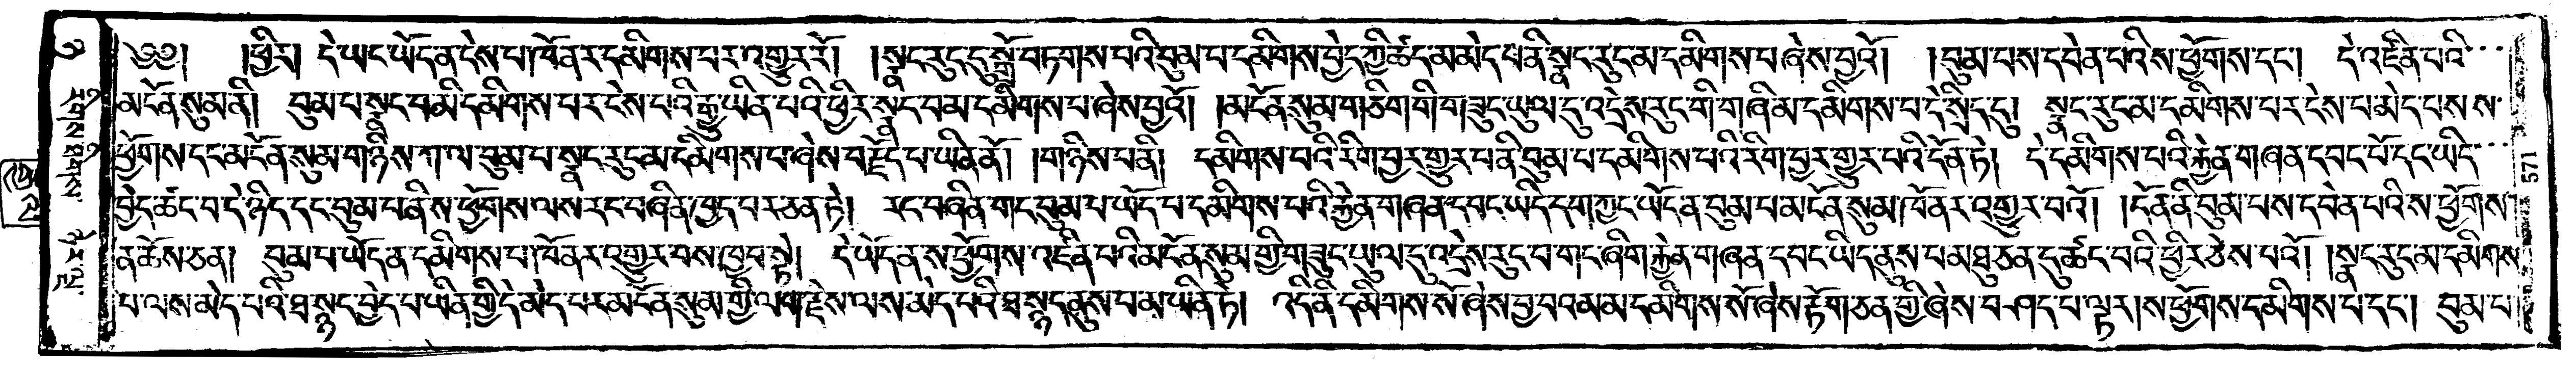༄༅། །ཕྱིར། དེ་ཡང་ཡོད་ན་དེས་པ་ཁོ་ནར་དམིགས་པར་འགྱུར་རོ། །སྣང་རུང་དུ་སྒྲོ་བཏགས་པའི་བུམ་པ་དམིགས་བྱེད་ཀྱི་ཚད་མ་མེད་པ་ནི་སྣང་རུང་མ་དམིགས་པ་ཞེས་བྱའོ། །བུམ་པས་དབེན་པའི་ས་ཕྱོགས་དང་། དེ་འཛིན་པའི་
མངོན་སུམ་ནི། བུམ་པ་སྣང་བ་མི་དམིགས་པར་ངེས་པའི་རྒྱུ་ཡིན་པའི་ཕྱིར་སྣང་བ་མ་དམིགས་པ་ཞེས་བྱའོ། །མངོན་སུམ་གཅིག་གི་གཟུང་ཡུལ་དུ་འདྲེས་རུང་གི་གཞི་མ་དམིགས་པ་དེ་སྲིད་དུ། སྣང་རུང་མ་དམིགས་པར་ངེས་པ་མེད་པས་ས་
ཕྱོགས་དང་མངོན་སུམ་གྱིས་ཀ་ལ་བུམ་པ་སྣང་རུང་མ་དམིགས་པ་ཞེས་བརྗོད་པ་ཡིན་ནོ། །གཉིས་པ་ནི། དམིགས་པའི་རིག་བྱར་གྱུར་པ་ནི་བུམ་པ་དམིགས་པའི་རིག་བྱར་གྱུར་པའི་དོན་ཏེ། དེ་དམིགས་པའི་རྐྱེན་གཞན་དབང་པོ་དང་ཡིད་
བྱེད་ཚང་བ་དེ་ཉིད་དང་བུམ་པ་ནི་ས་ཕྱོགས་ལས་རང་བཞིན་ཁྱད་བར་ཅན་ཏེ། རང་བཞིན་གང་བུམ་པ་ཡོད་པ་དམིགས་པའི་རྐྱེན་གཞན་དབང་ཡིད་དག་ཀྱང་ཡོད་ན་བུམ་པ་མངོན་སུམ་ཁོ་ནར་འགྱུར་བའོ། །དོན་ནི་བུམ་པས་དབེན་པའི་ས་ཕྱོགས་
ན་ཆོས་ཅན། བུམ་པ་ཡོད་ན་དམིགས་པ་ཁོ་ནར་འགྱུར་བས་ཁྱབ་སྟེ། དེ་ཡོད་ན་ས་ཕྱོགས་འཛིན་པའི་མངོན་སུམ་གྱི་གཟུང་ཡུལ་དུ་འདྲེས་རུང་བ་གང་ཞིག་རྐྱེན་གཞན་དབང་ཡིད་ནུས་པ་མཐུ་ཅན་དུ་ཚང་བའི་ཕྱིར་ཅེས་པའོ། །སྣང་རུང་མ་དམིགས་
པ་ལས་མེད་པའི་ཐ་སྙད་བྱེད་པ་ཡིན་གྱི་དེ་མེད་པར་མངོན་སུམ་གྱི་ལག་རྗེས་ལས་མེད་པའི་ཐ་སྙད་ནུས་པ་མ་ཡིན་ཏེ། འདི་ནི་དམིགས་སོ་ཞེས་བྱ་བའམ་མ་དམིགས་སོ་ཞེས་རྟོག་ཅན་གྱི་ཞེས་བཤད་པ་ལྟར། ས་ཕྱོགས་དམིགས་པ་དང་། བུམ་པ།